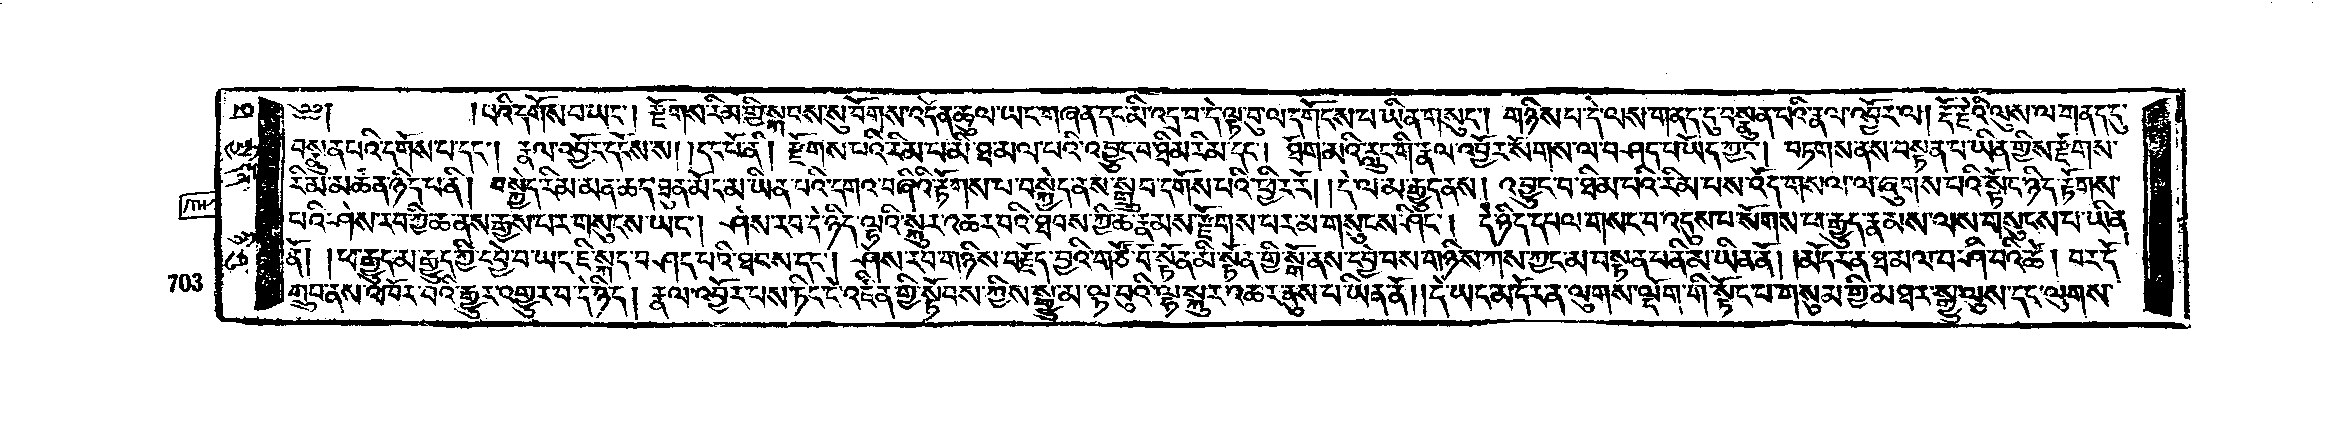༄༅། །པའི་དགོས་པ་ཡང་། རྫོགས་རིམ་གྱི་སྐབས་སུ་བོགས་འདོན་ཆུལ་ཡང་གཞན་དང་མི་འདྲ་བ་དེ་ལྟ་བུ་ལ་དགོངས་པ་ཡིན་གསུང་། གཉིས་པ་དེ་ལས་གནད་དུ་བསྣུན་པའི་རྣལ་འབྱོར་ལ། རྡོ་རྗེའི་ལུས་ལ་གནད་དུ་
བསྣུན་པའི་དགོས་པ་དང་། རྣལ་འབྱོར་དངོས་སོ། །དང་པོ་ནི། རྫོགས་པའི་རིམ་པ་མི་ཐ་མལ་པའི་འབྱུང་བ་ཐིམ་རིམ་དང་། ཐོག་མའི་རླུང་གི་རྣལ་འབྱོར་སོགས་ལ་བཤད་པ་ཡོད་ཀྱང་། བཏགས་ནས་བསྟན་པ་ཡིན་གྱིས་རྫོགས་
རིམ་མཚན་ཉིད་པ་ནི། བསྐྱེད་རིམ་མན་ཆད་ཐུན་མོང་མ་ཡིན་པའི་དགའ་བཞིའི་རྟོགས་པ་བསྐྱེད་ནས་སྒྲུབ་དགོས་པའི་ཕྱིར་རོ། །དེ་ལ་མ་རྒྱུད་ནས། འབྱུང་བ་ཐིམ་པའི་རིམ་པས་འོད་གསལ་ལ་ཞུགས་པའི་སྟོང་ཉིད་རྟོགས་
པའི་ཤེས་རབ་ཀྱི་ཆ་ནས་རྒྱས་པར་གསུངས་ཡང་། ཤེས་རབ་དེ་ཉིད་ལྷའི་སྐུར་འཆར་བའི་ཐབས་ཀྱི་ཆ་རྣམས་རྫོགས་པར་མ་གསུངས་ཤིང་། དེ་ཉིད་དཔལ་གསང་བ་འདུས་པ་སོགས་ཕ་རྒྱུད་རྣམས་ལས་གསུངས་པ་ཡིན་
ནོ། །ཕ་རྒྱུད་མ་རྒྱུད་ཀྱི་དབྱེ་བ་ཡང་ཇི་སྐད་བཤད་པའི་ཐབས་དང་། ཤེས་རབ་གཉིས་བརྗོད་བྱའི་གཙོ་བོ་སྟོན་མི་སྟོན་གྱི་སྒོ་ནས་དབྱེ་བས་གཉིས་ཀས་ཀྱང་མ་བསྟན་པ་ནི་མ་ཡིན་ནོ། །མདོར་ན་ཐ་མལ་བ་ཤི་བའི་ཚེ། བར་དོ་
གྲུབ་ནས་འཁོར་བའི་རྒྱུར་འགྱུར་བ་དེ་ཉིད། རྣལ་འབྱོར་པས་ཏིང་ངེ་འཛིན་གྱི་སྟོབས་ཀྱིས་སྒྱུ་མ་ལྟ་བུའི་ལྷ་སྐུར་འཆར་ནུས་པ་ཡིན་ནོ། །དེ་ཡང་མདོར་ན་ལུགས་ལྡོག་གི་སྟོང་པ་གསུམ་གྱི་མཐར་སྒྱུ་ལུས་དང་ལུགས་